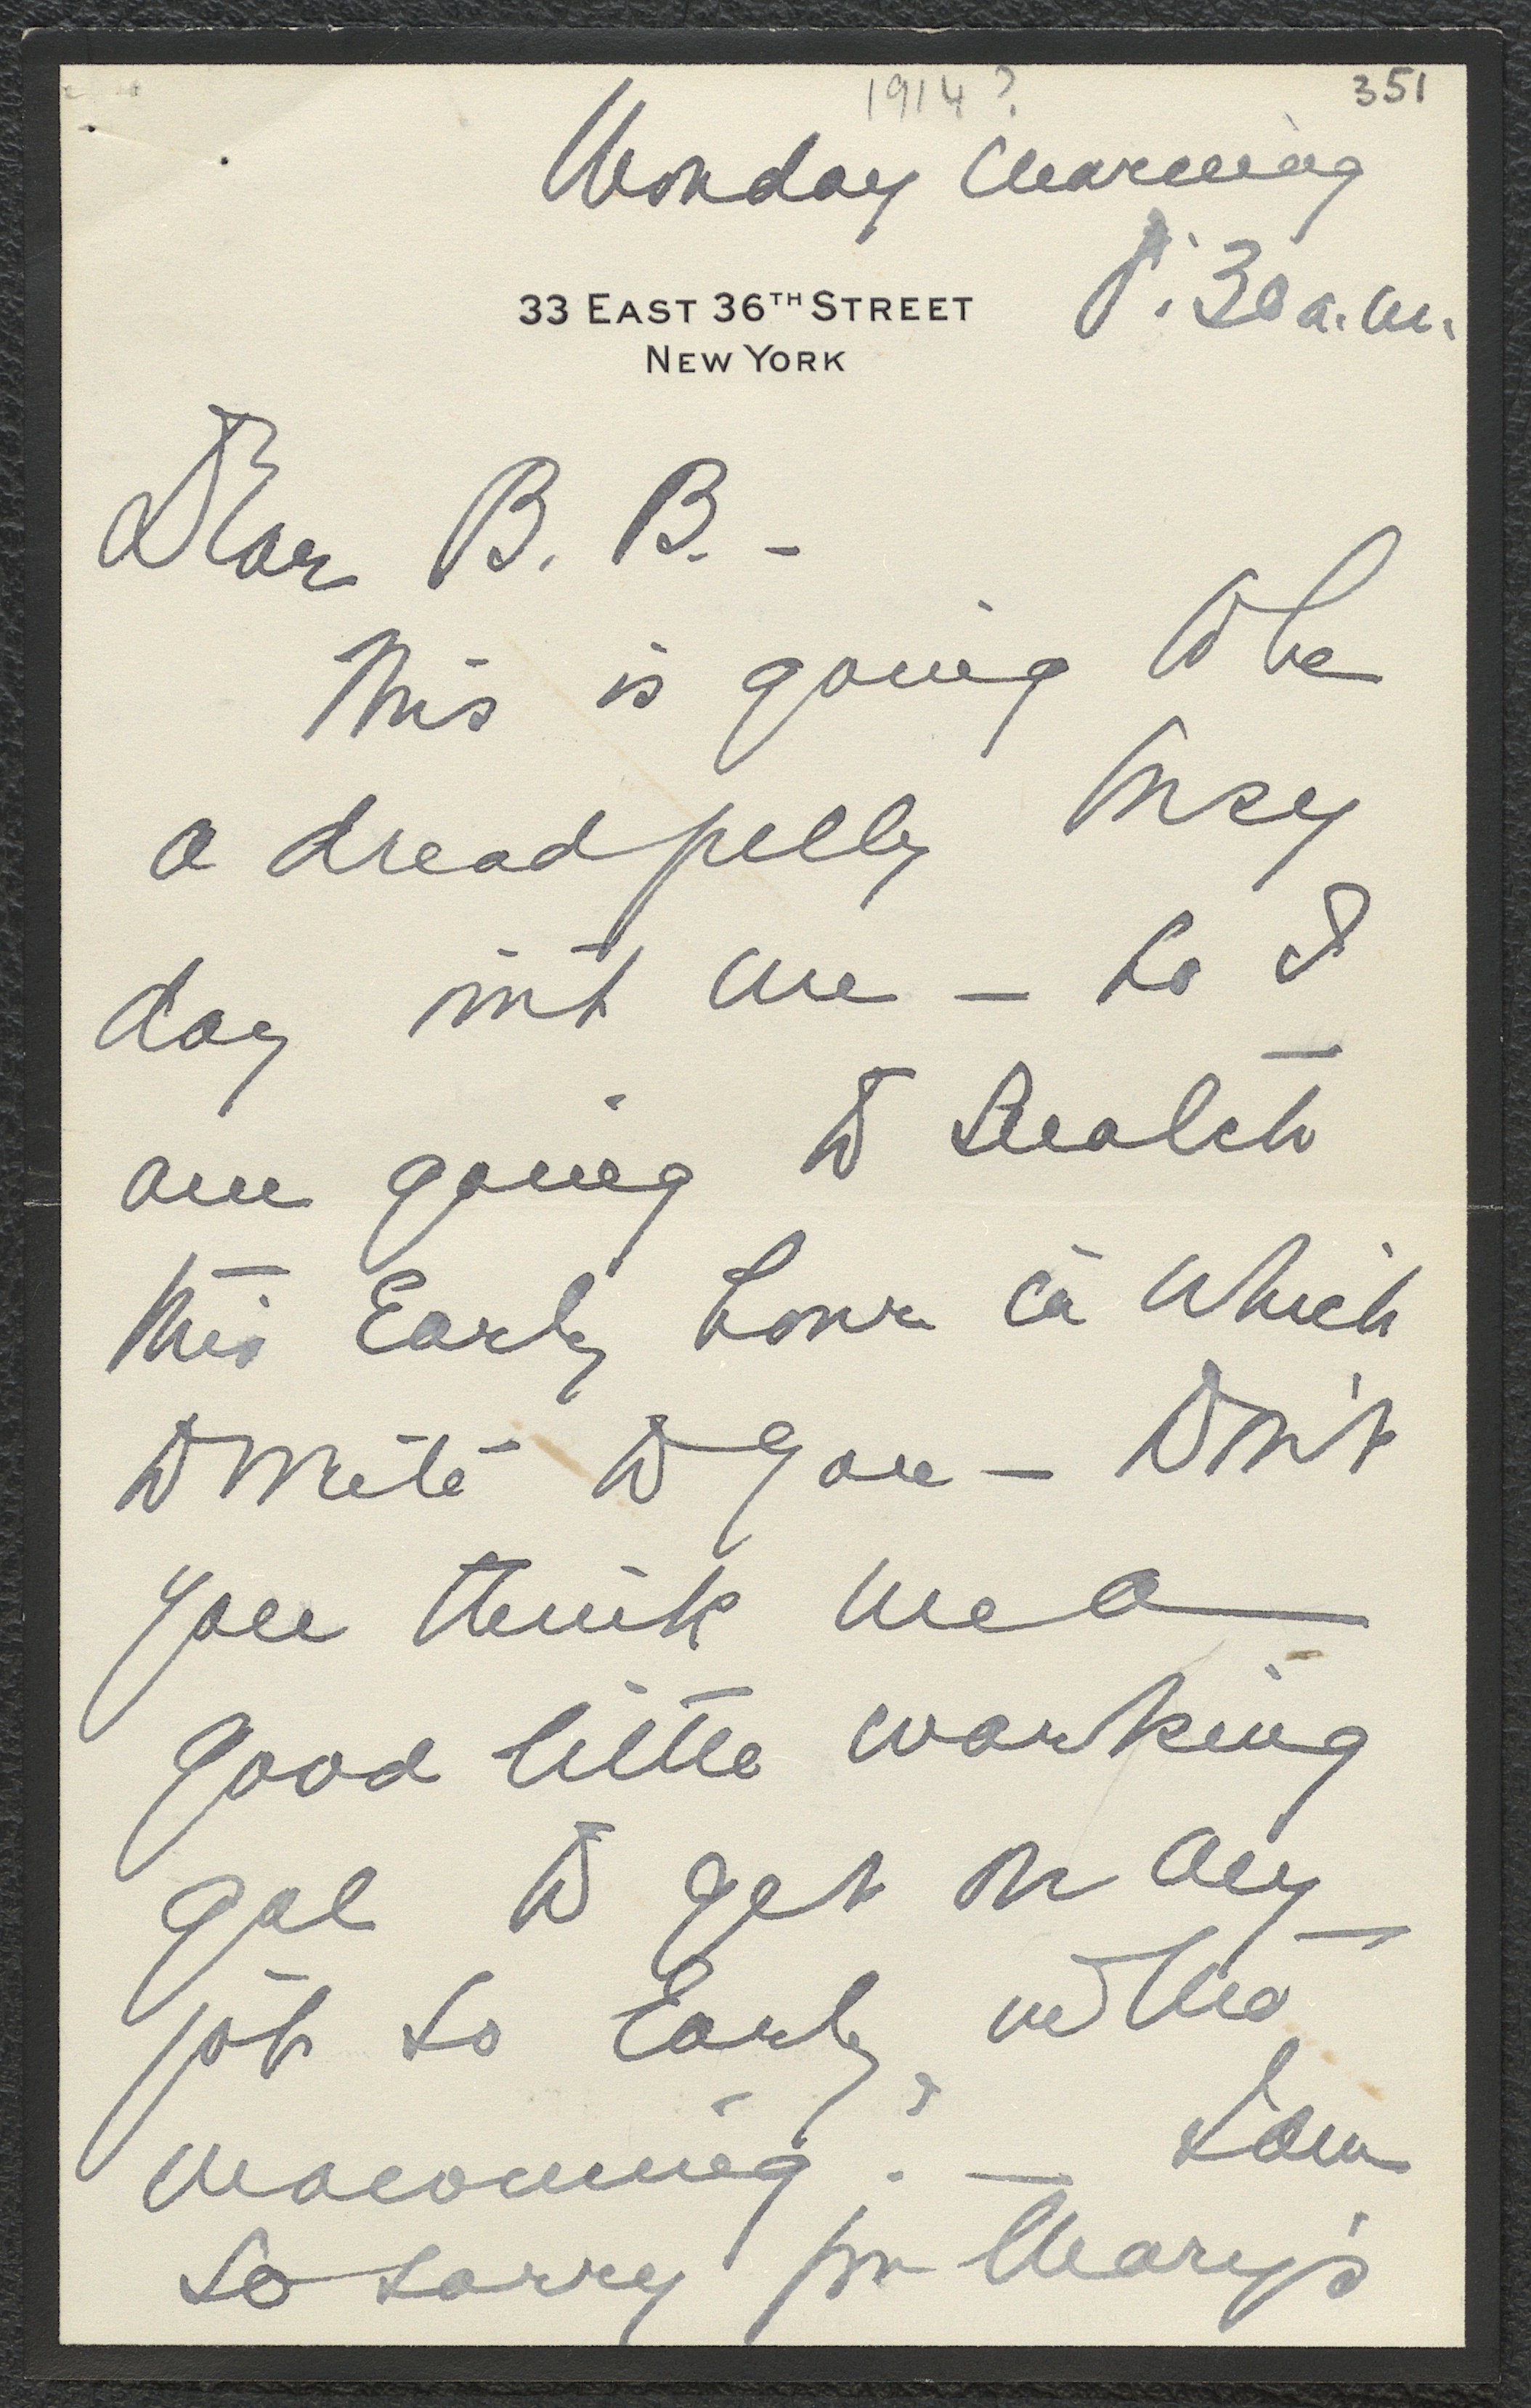Monday morning
8:30 a.m.
Dear B.B. –
This is going to be a dreadfully busy day with me – so I am going to snatch this Early hour in which to write to you – Don’t you think me a good little working gal to get on my job so early in the morning ? – I am so sorry for Mary’s